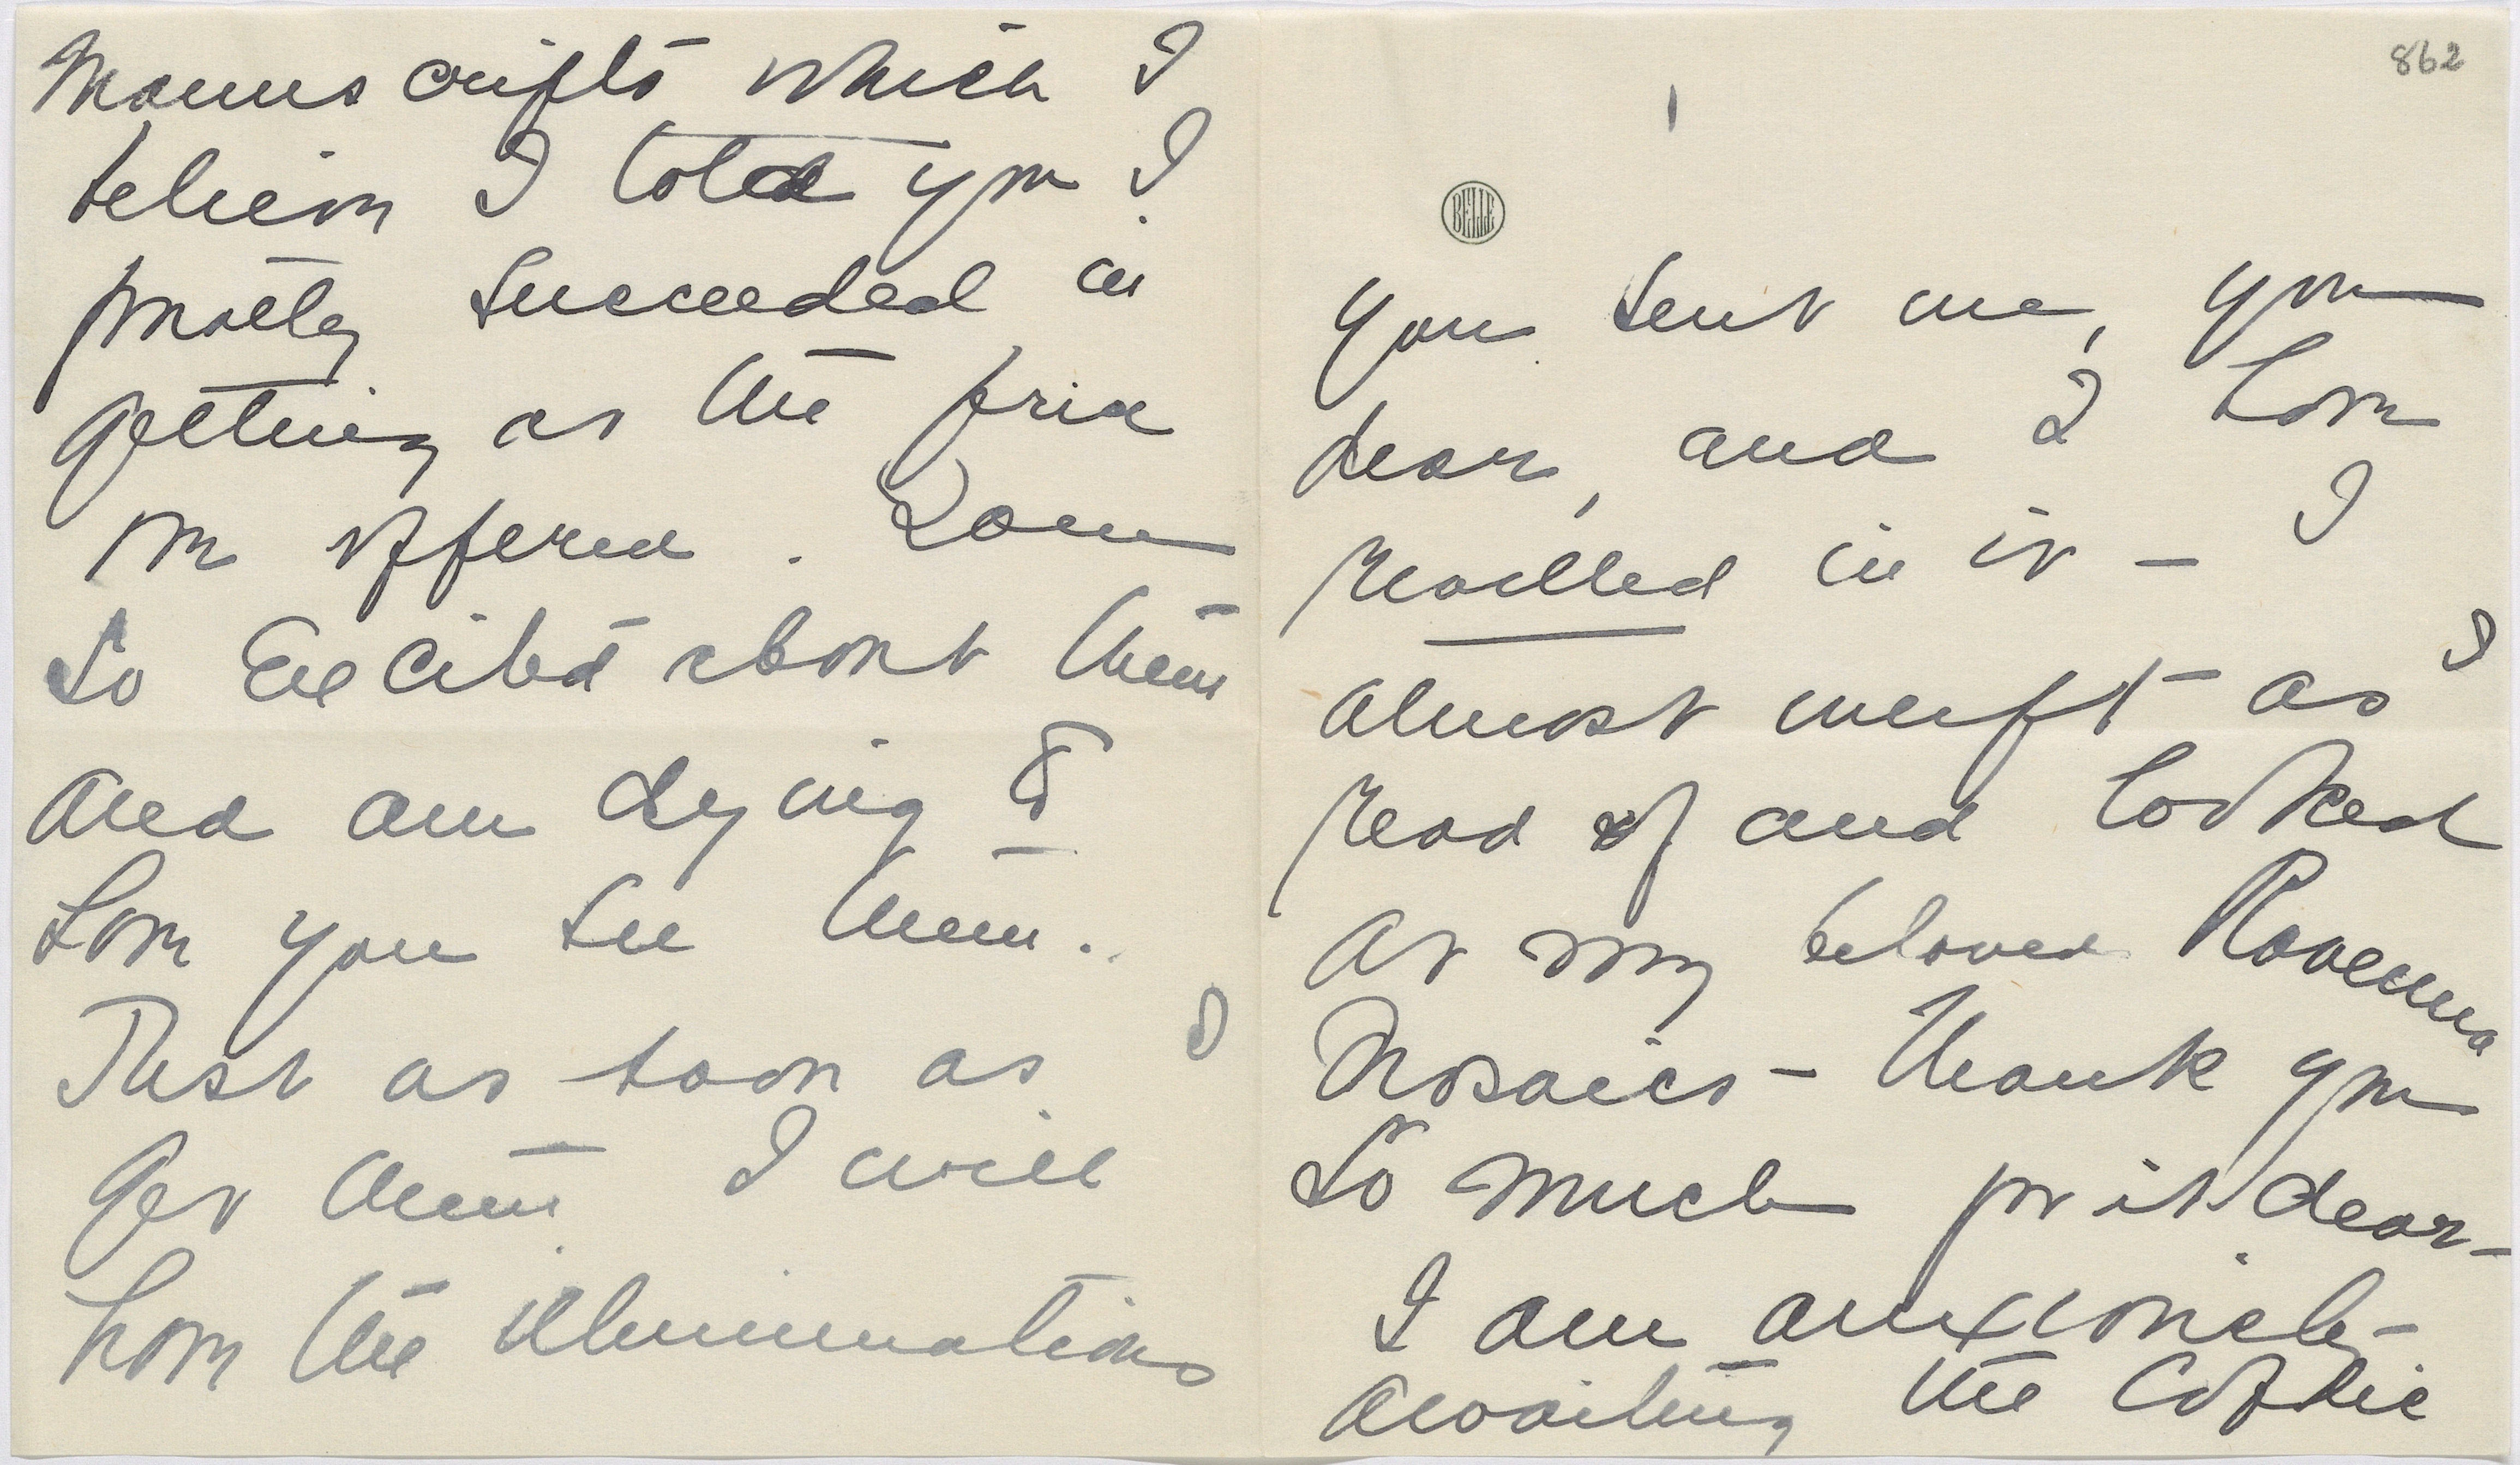you sent me, you dear, and I have revelled in it – I almost wept – as I read of and looked at my beloved Ravenna Mosaics – Thank you so much for it dear –
I am anxiously awaiting the Coptic
Manuscripts which I believe I told you I finally succeeded in getting at the price we offered. I am so excited about them and am dying to have you see them. Just as soon as I get them I will have the illuminations